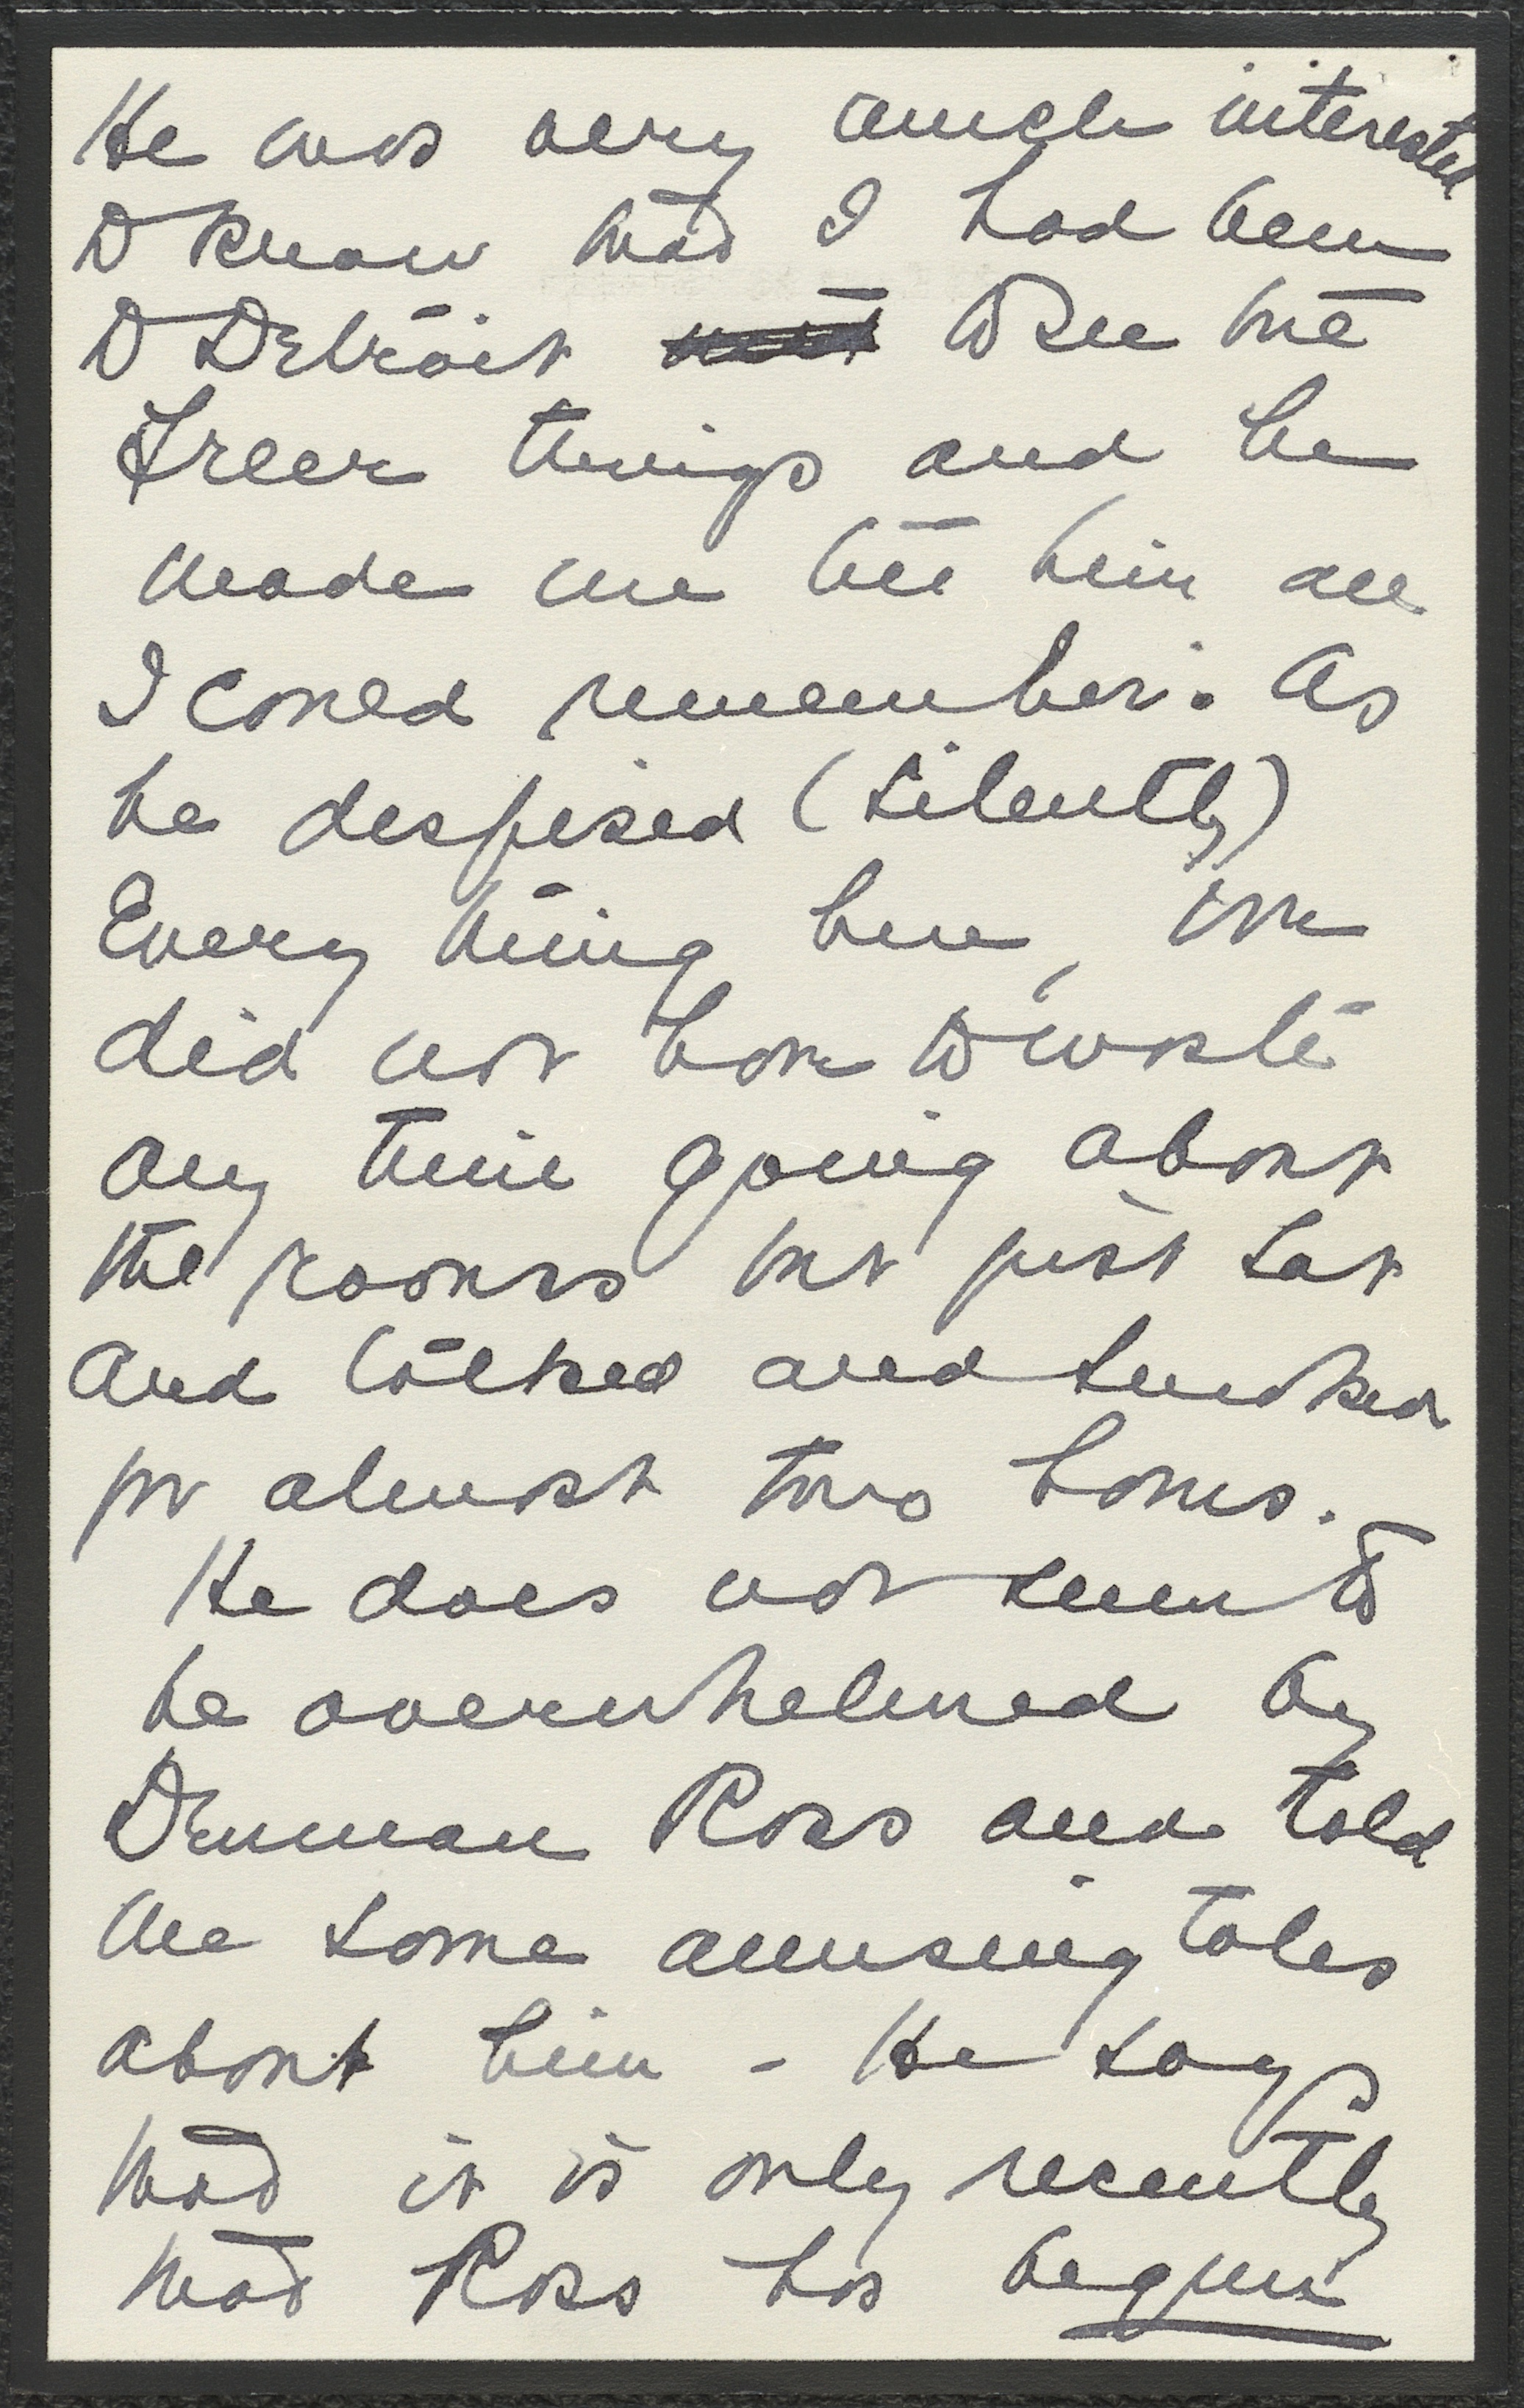He was very much interested to know that I had been to Detroit with to see the Freer things and he made me tell him all I could remember. As he despised (silently) every thing here, we did not have to waste any time going about the rooms but just sat and talked and smoked for almost two hours. He does not seem to be overwhelmed by Denman Ross and told me some amusing tales about him – He says that it is only recently that Ross has begun